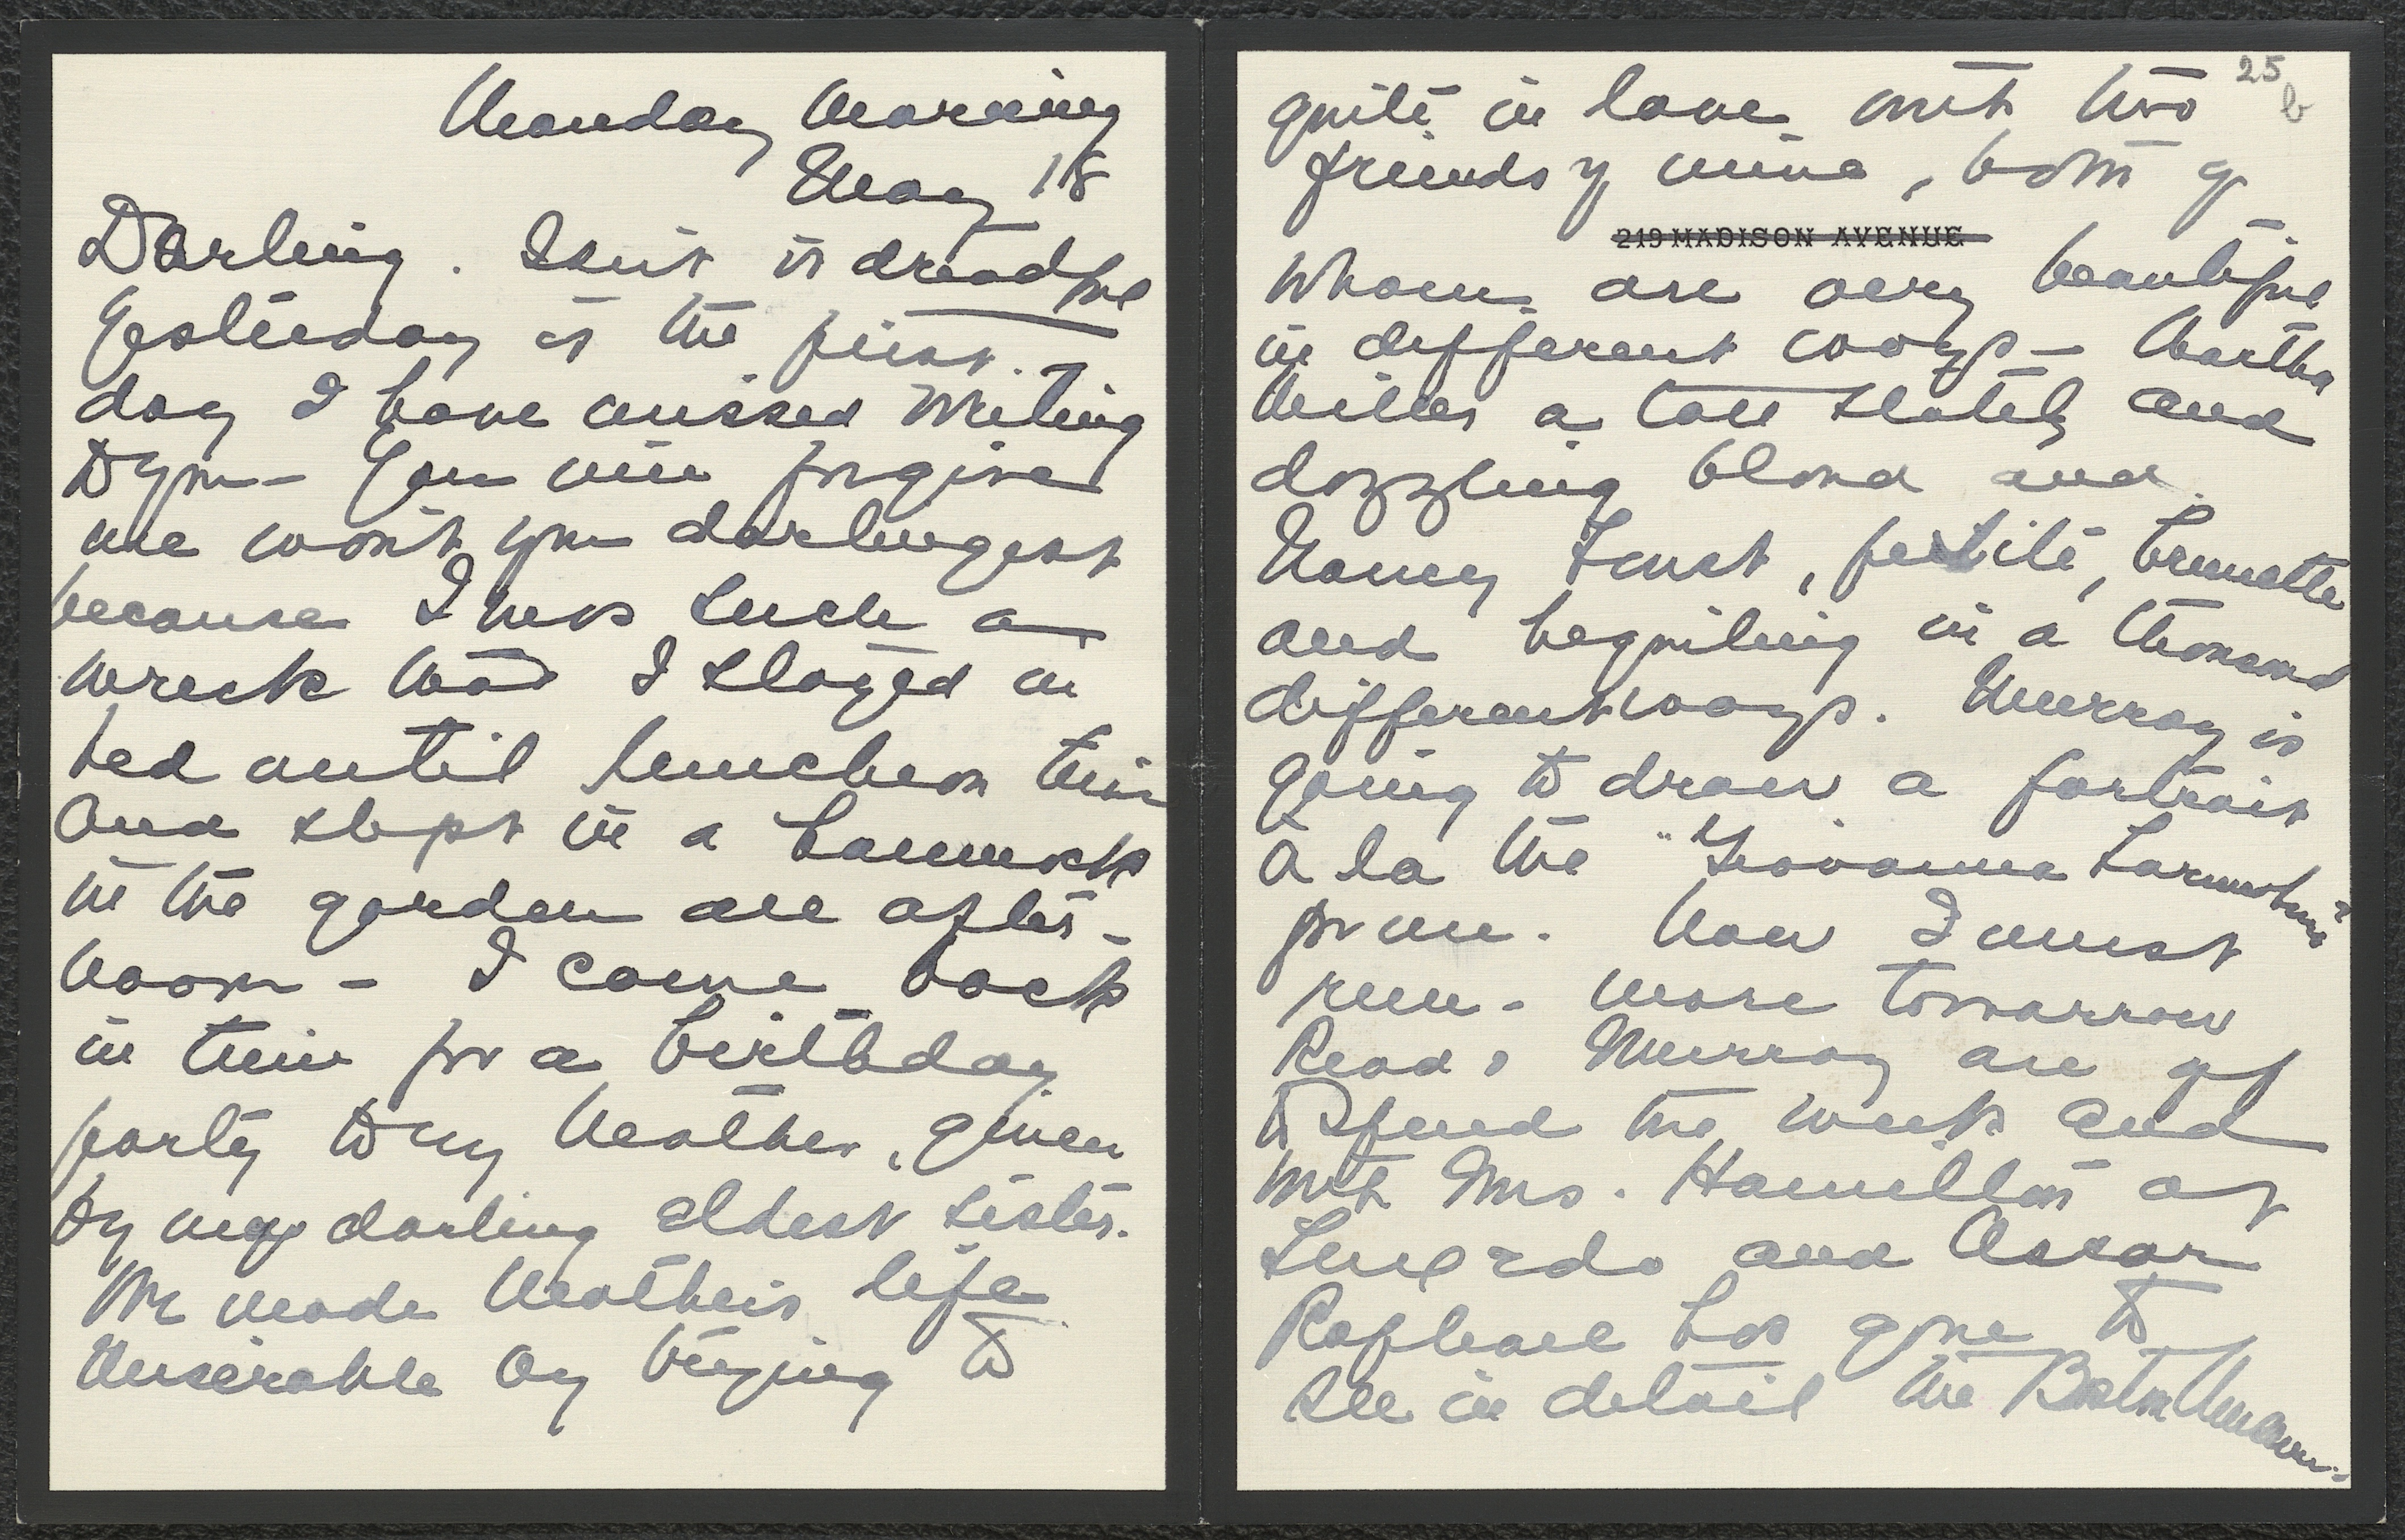quite in love with two friends of mine, both of whom are very beautiful in different ways – Martha Miller a tall stately and dazzling blond and Nancy Faust, petite, brunette and beguiling in a thousand different ways. Murray is going to draw a portrait à la the "Giovanna Tournabuoni” for me. Now I must run – more tomorrow Read & Murray are off to spend the week end with Ms. Hamilton at Tuxedo and Oscar Raphael has gone to see in detail the Boston Museum.
Monday Morning May 18
Darling. Isn't it dreadful yesterday is the first day I have missed writing to you – You will forgive me won't you darlingest because I was such a wreck that I stayed in bed until luncheon time and slept in a hammock in the garden all afternoon – I came back in time for a birthday party to my Mother, given by my darling eldest sister. We made Mother's life miserable by trying to